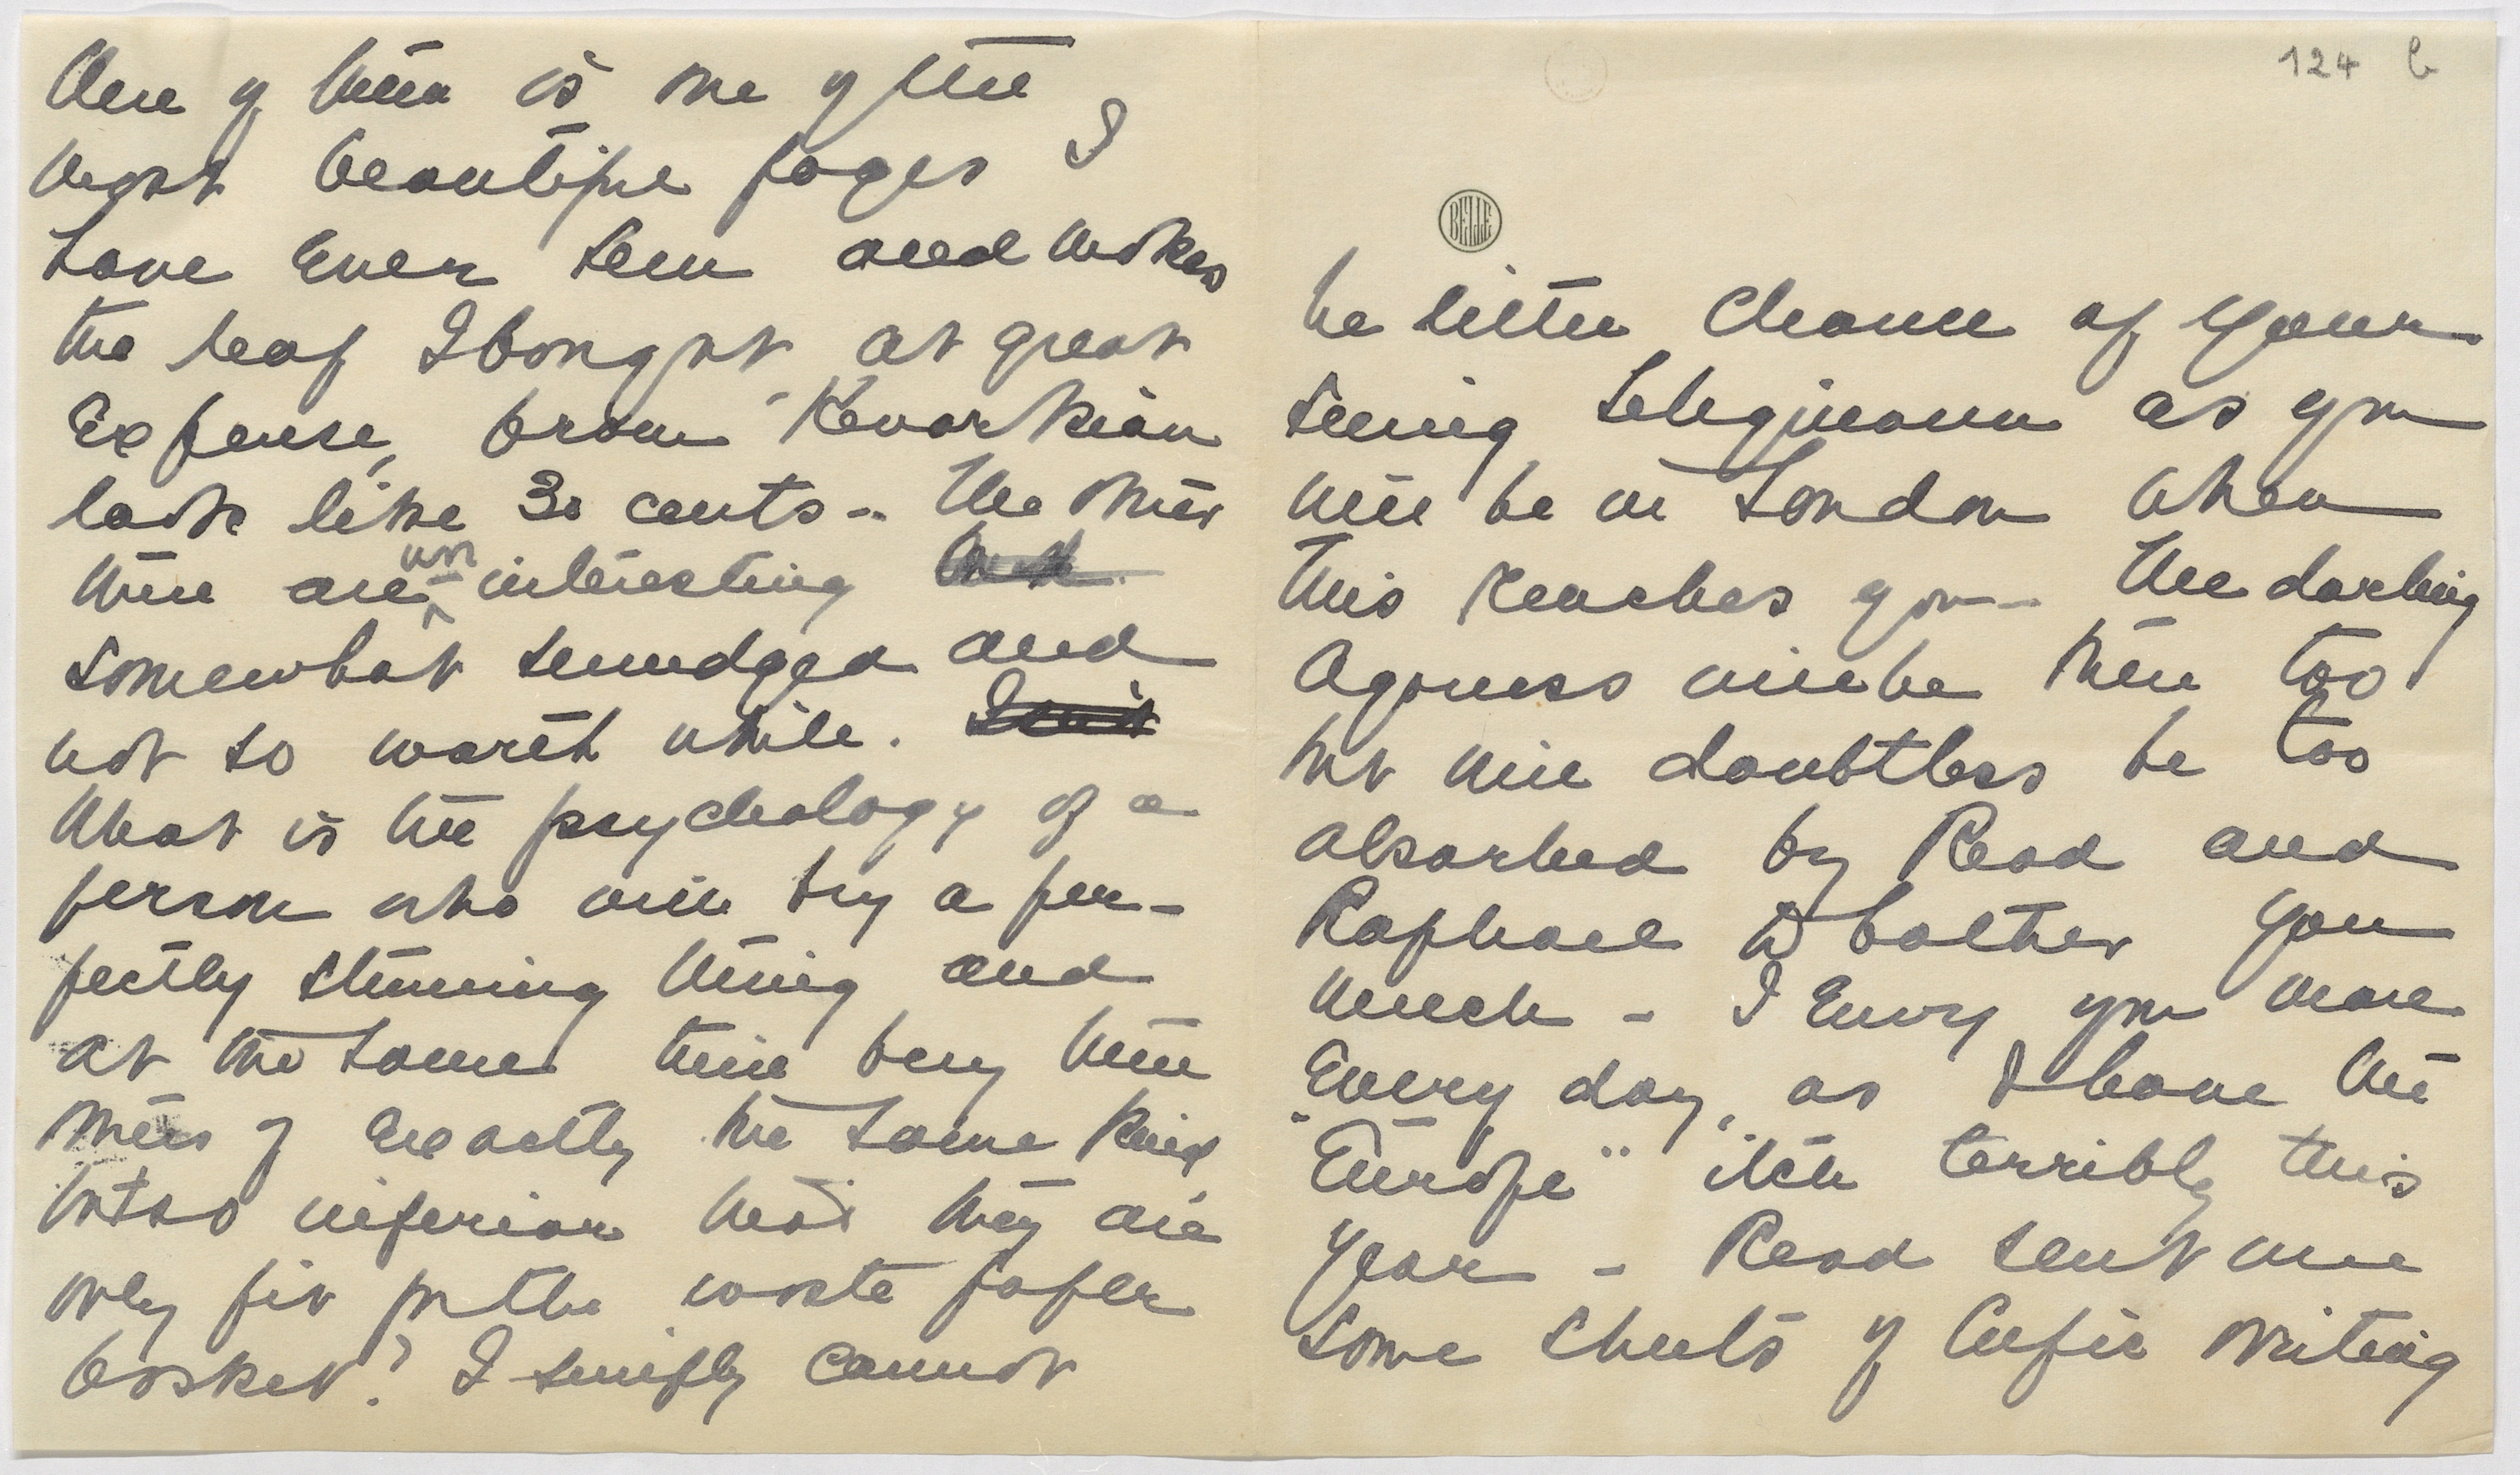be little chance of your seeing Seligmann as you will be in London when this reaches you – The darling Agoness will be there too but will doubtless be too absorbed by Read and Raphael to bother you much – I envy you more every day as I have the “Europe” itch terribly this year – Read sent me some sheets of Cufic writing
One of them is one of the most beautiful pages I have ever seen and makes the leaf I bought at great expense, from Kevorkian look like 30 cents – The other three are [^un^] interesting but somewhat smudged and not so worth while. Isn’t What is the psychology of a person who will buy a perfectly stunning thing and at the same buy three others of exactly the same kind, but so inferior that they are only fit for the waste paper basket? I simply cannot